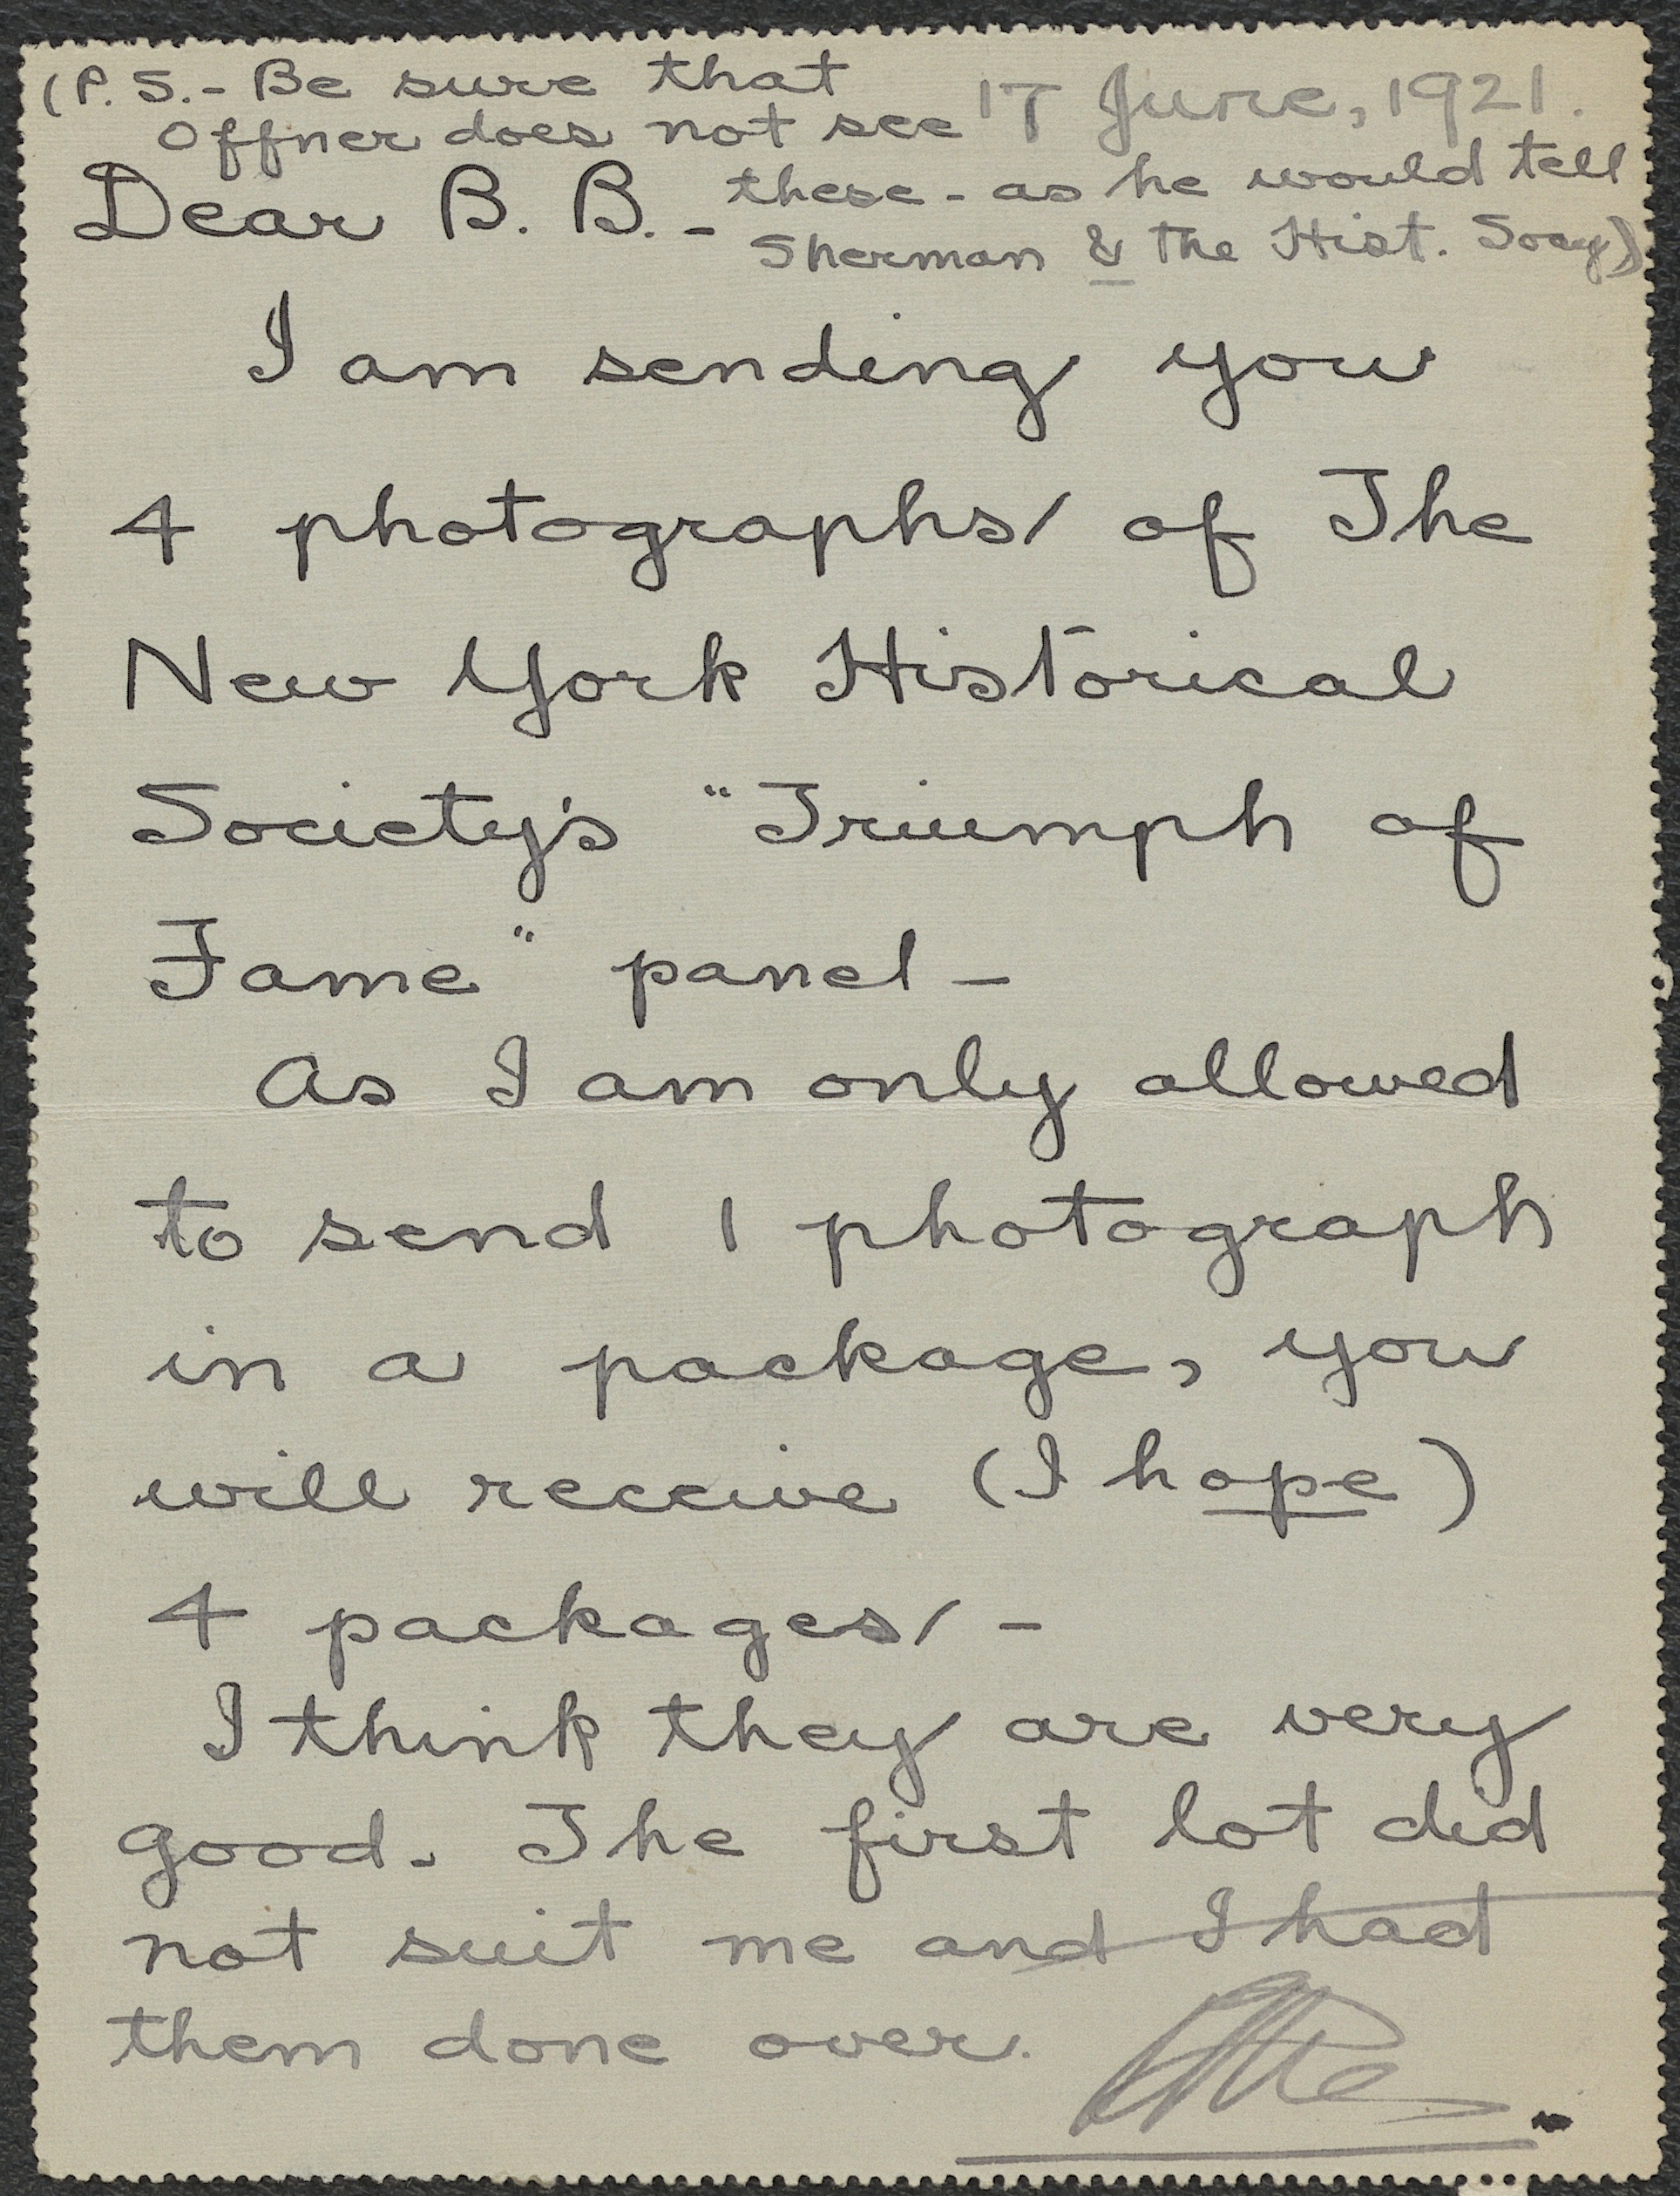17 June, 1921
Dear B.B. –
I am sending you 4 photographs/ of The New York Historical Society’s “Triumph of Fame” panel –
As I am only allowed to send 1 photograph in a package, you will receive (I hope) 4 packages/ –
I think they are very good. The first lot did not suit me and I had them done over.
Belle
[along the top of the page: P.S. – Be sure that Offner does not see these – as he would tell Sherman & the Hist. Socy)]